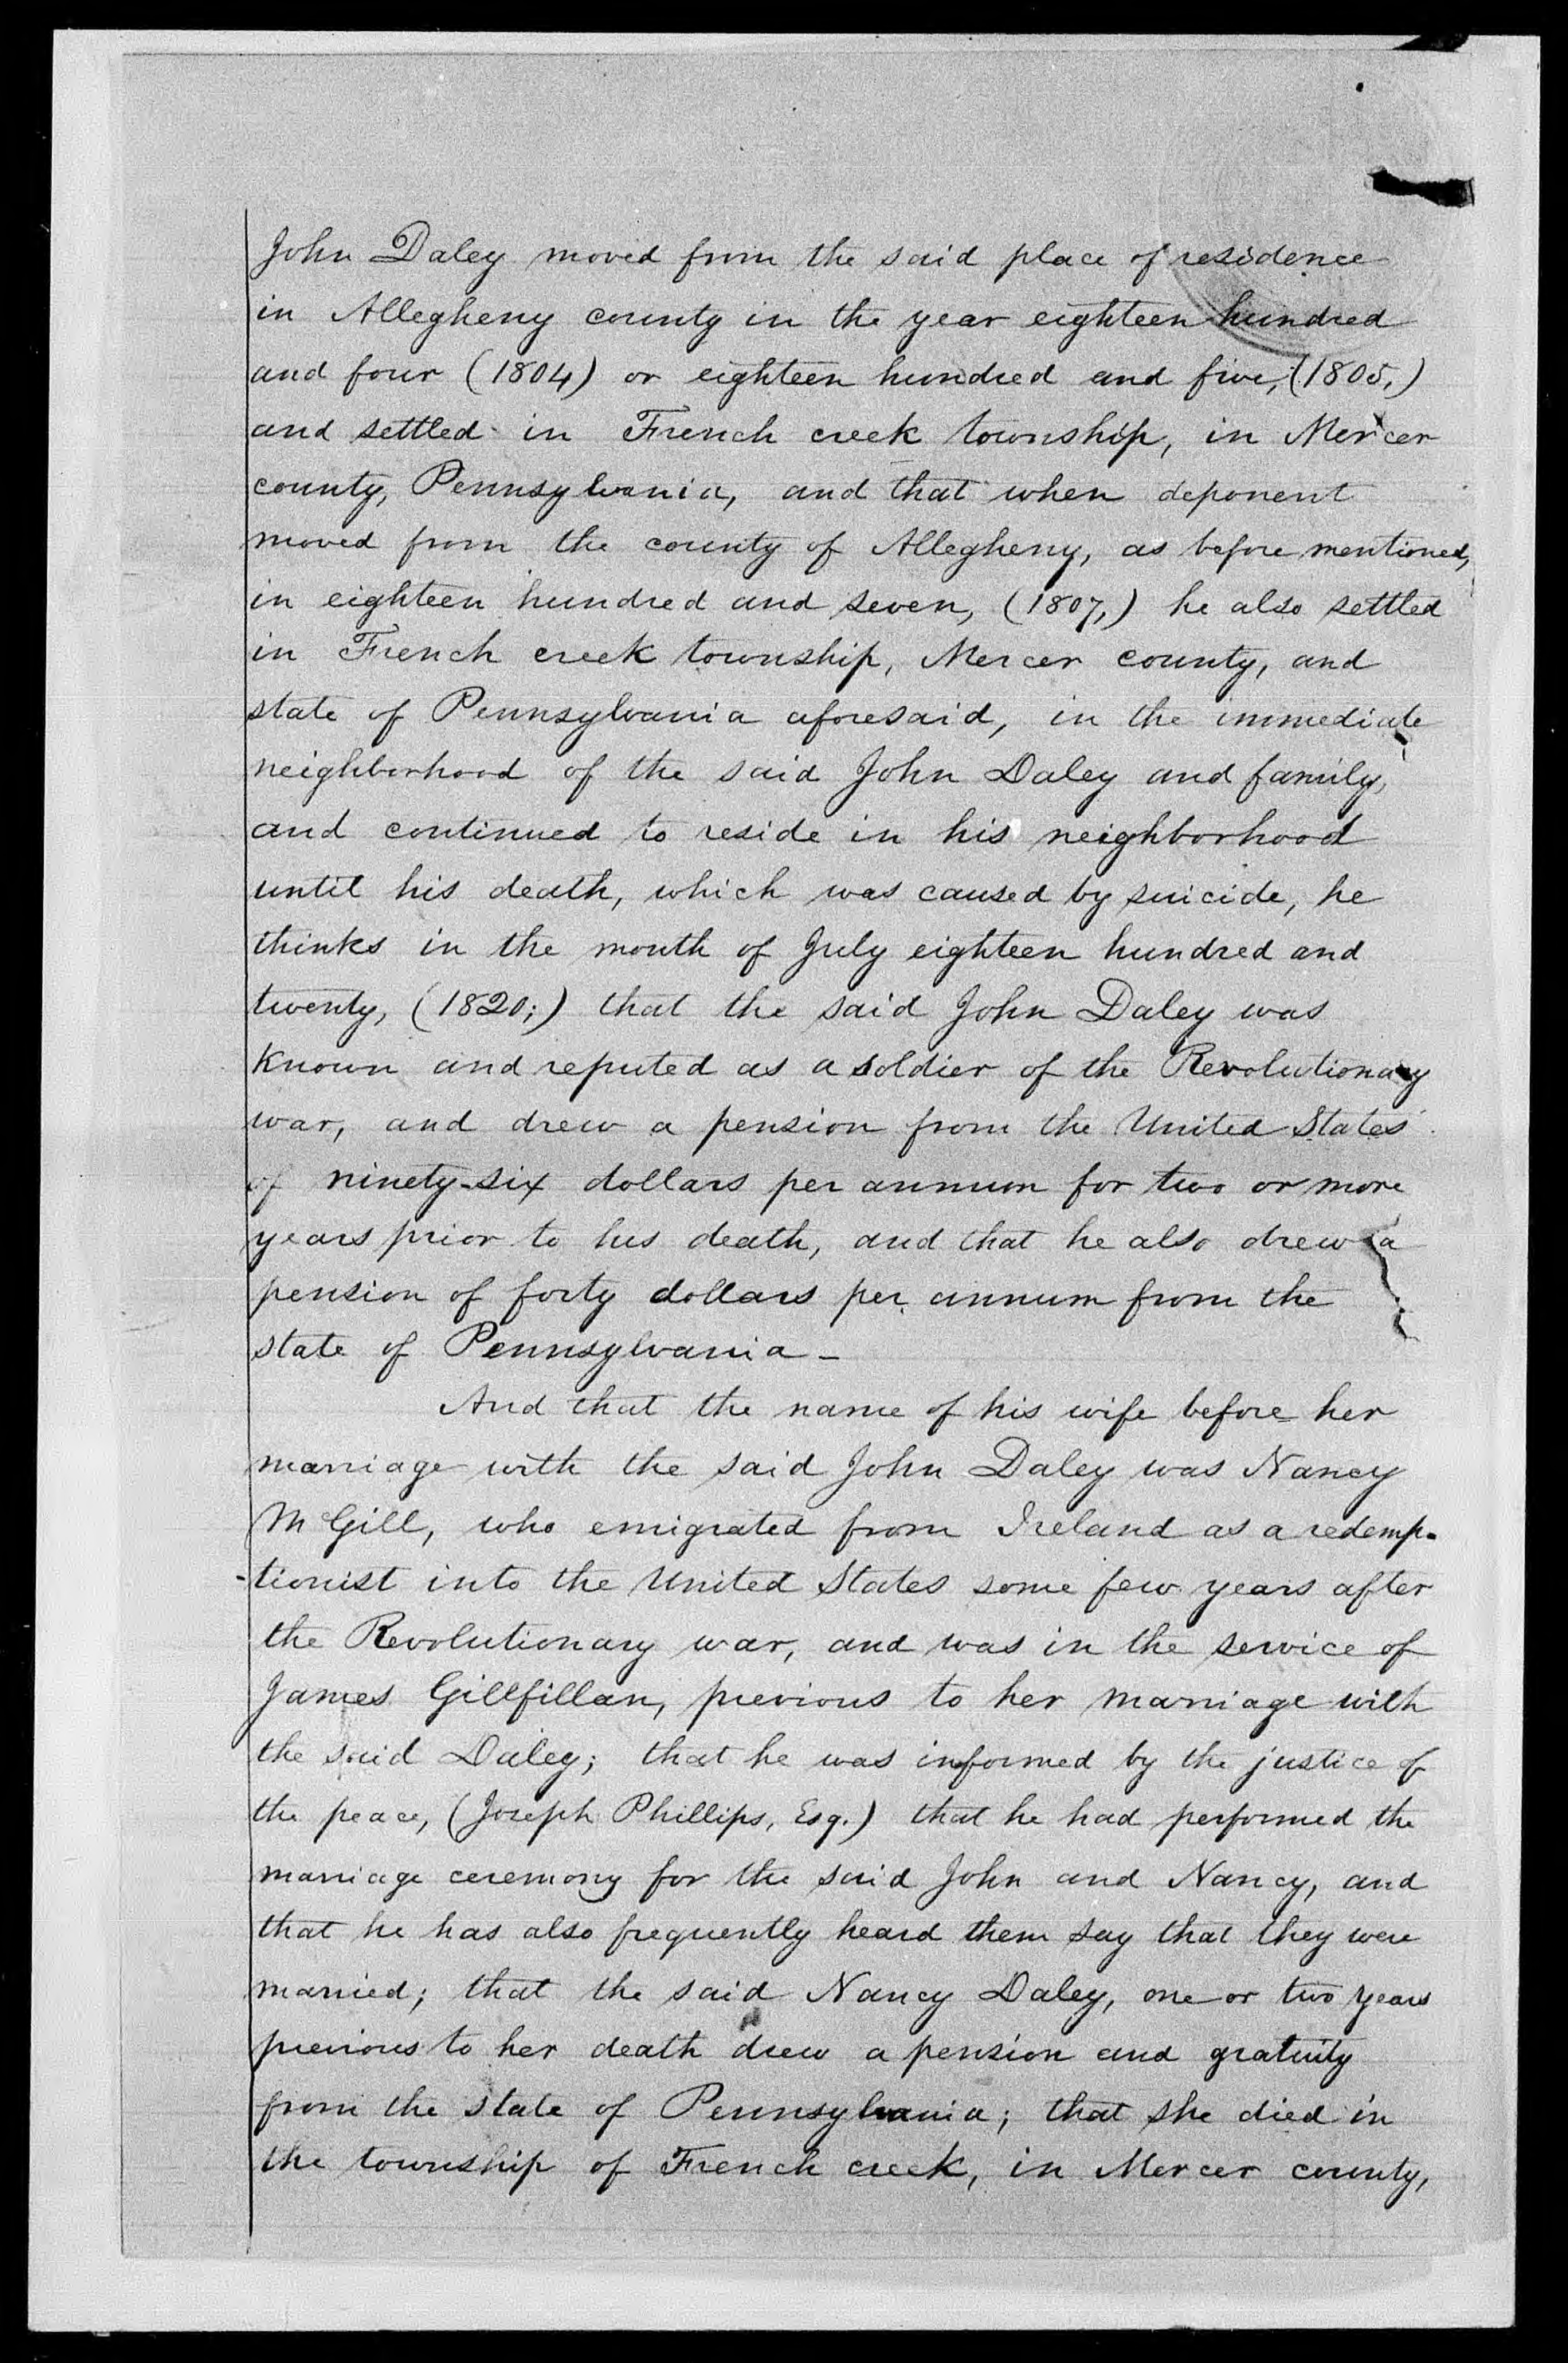[pg 2 of 3]

John Daley moved from the said place of residence in Allegheny county in the year eighteen hundred and four (1804) or eighteen hundred and five, (1805,) and settled in French creek township, in Mercer county, Pennsylvania, and that when deponent moved from the county of Allegheny, as before mention, in eighteen hundred and seven, (1807,) he also settled in French creek township, Mercer county, and state of Pennsylvania aforesaid, in the immediate neighborhood of the said John Daley and family, and continued to reside in his neighborhood until his death, which was caused by suicide, he thinks in the month of July eighteen hundred and twenty, (1820;) that the said John Daley was known and reputed as a soldier of the Revolutionary war, and drew a pension from the United States of ninety-six dollars per annum for two or more years prior to his death, and that he also drew a pension of forty dollars per annum from the state of Pennsylvania-
And that the name of his wife before her marriage with the said John Daley was Nancy McGill, who emigrated from Ireland as a redemptionist into the United States some few years after the Revolutionary war, and was in the service of James Gillfillan, previous to her marriage with the said Daley; that he was informed by the justice of the peace, (Joseph Phillips, Esq.) that he had performed the marriage ceremony for the said John and Nancy, and that he has also frequently heard them say that they were married; that the said Nancy Daley, one or two years previous to her death drew a pension and gratuity from the state of Pennsylvania; that she died in the township of French creek, in Mercer county,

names: Nancy Mc Gill, Daley, John, John Daley, Nancy, John Daley, Nancy Daley, John Daley, James Gillfillan, John Daley, Joseph Phillips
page: 46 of 63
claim: widow's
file: W. 3228, John Daly, Penn.